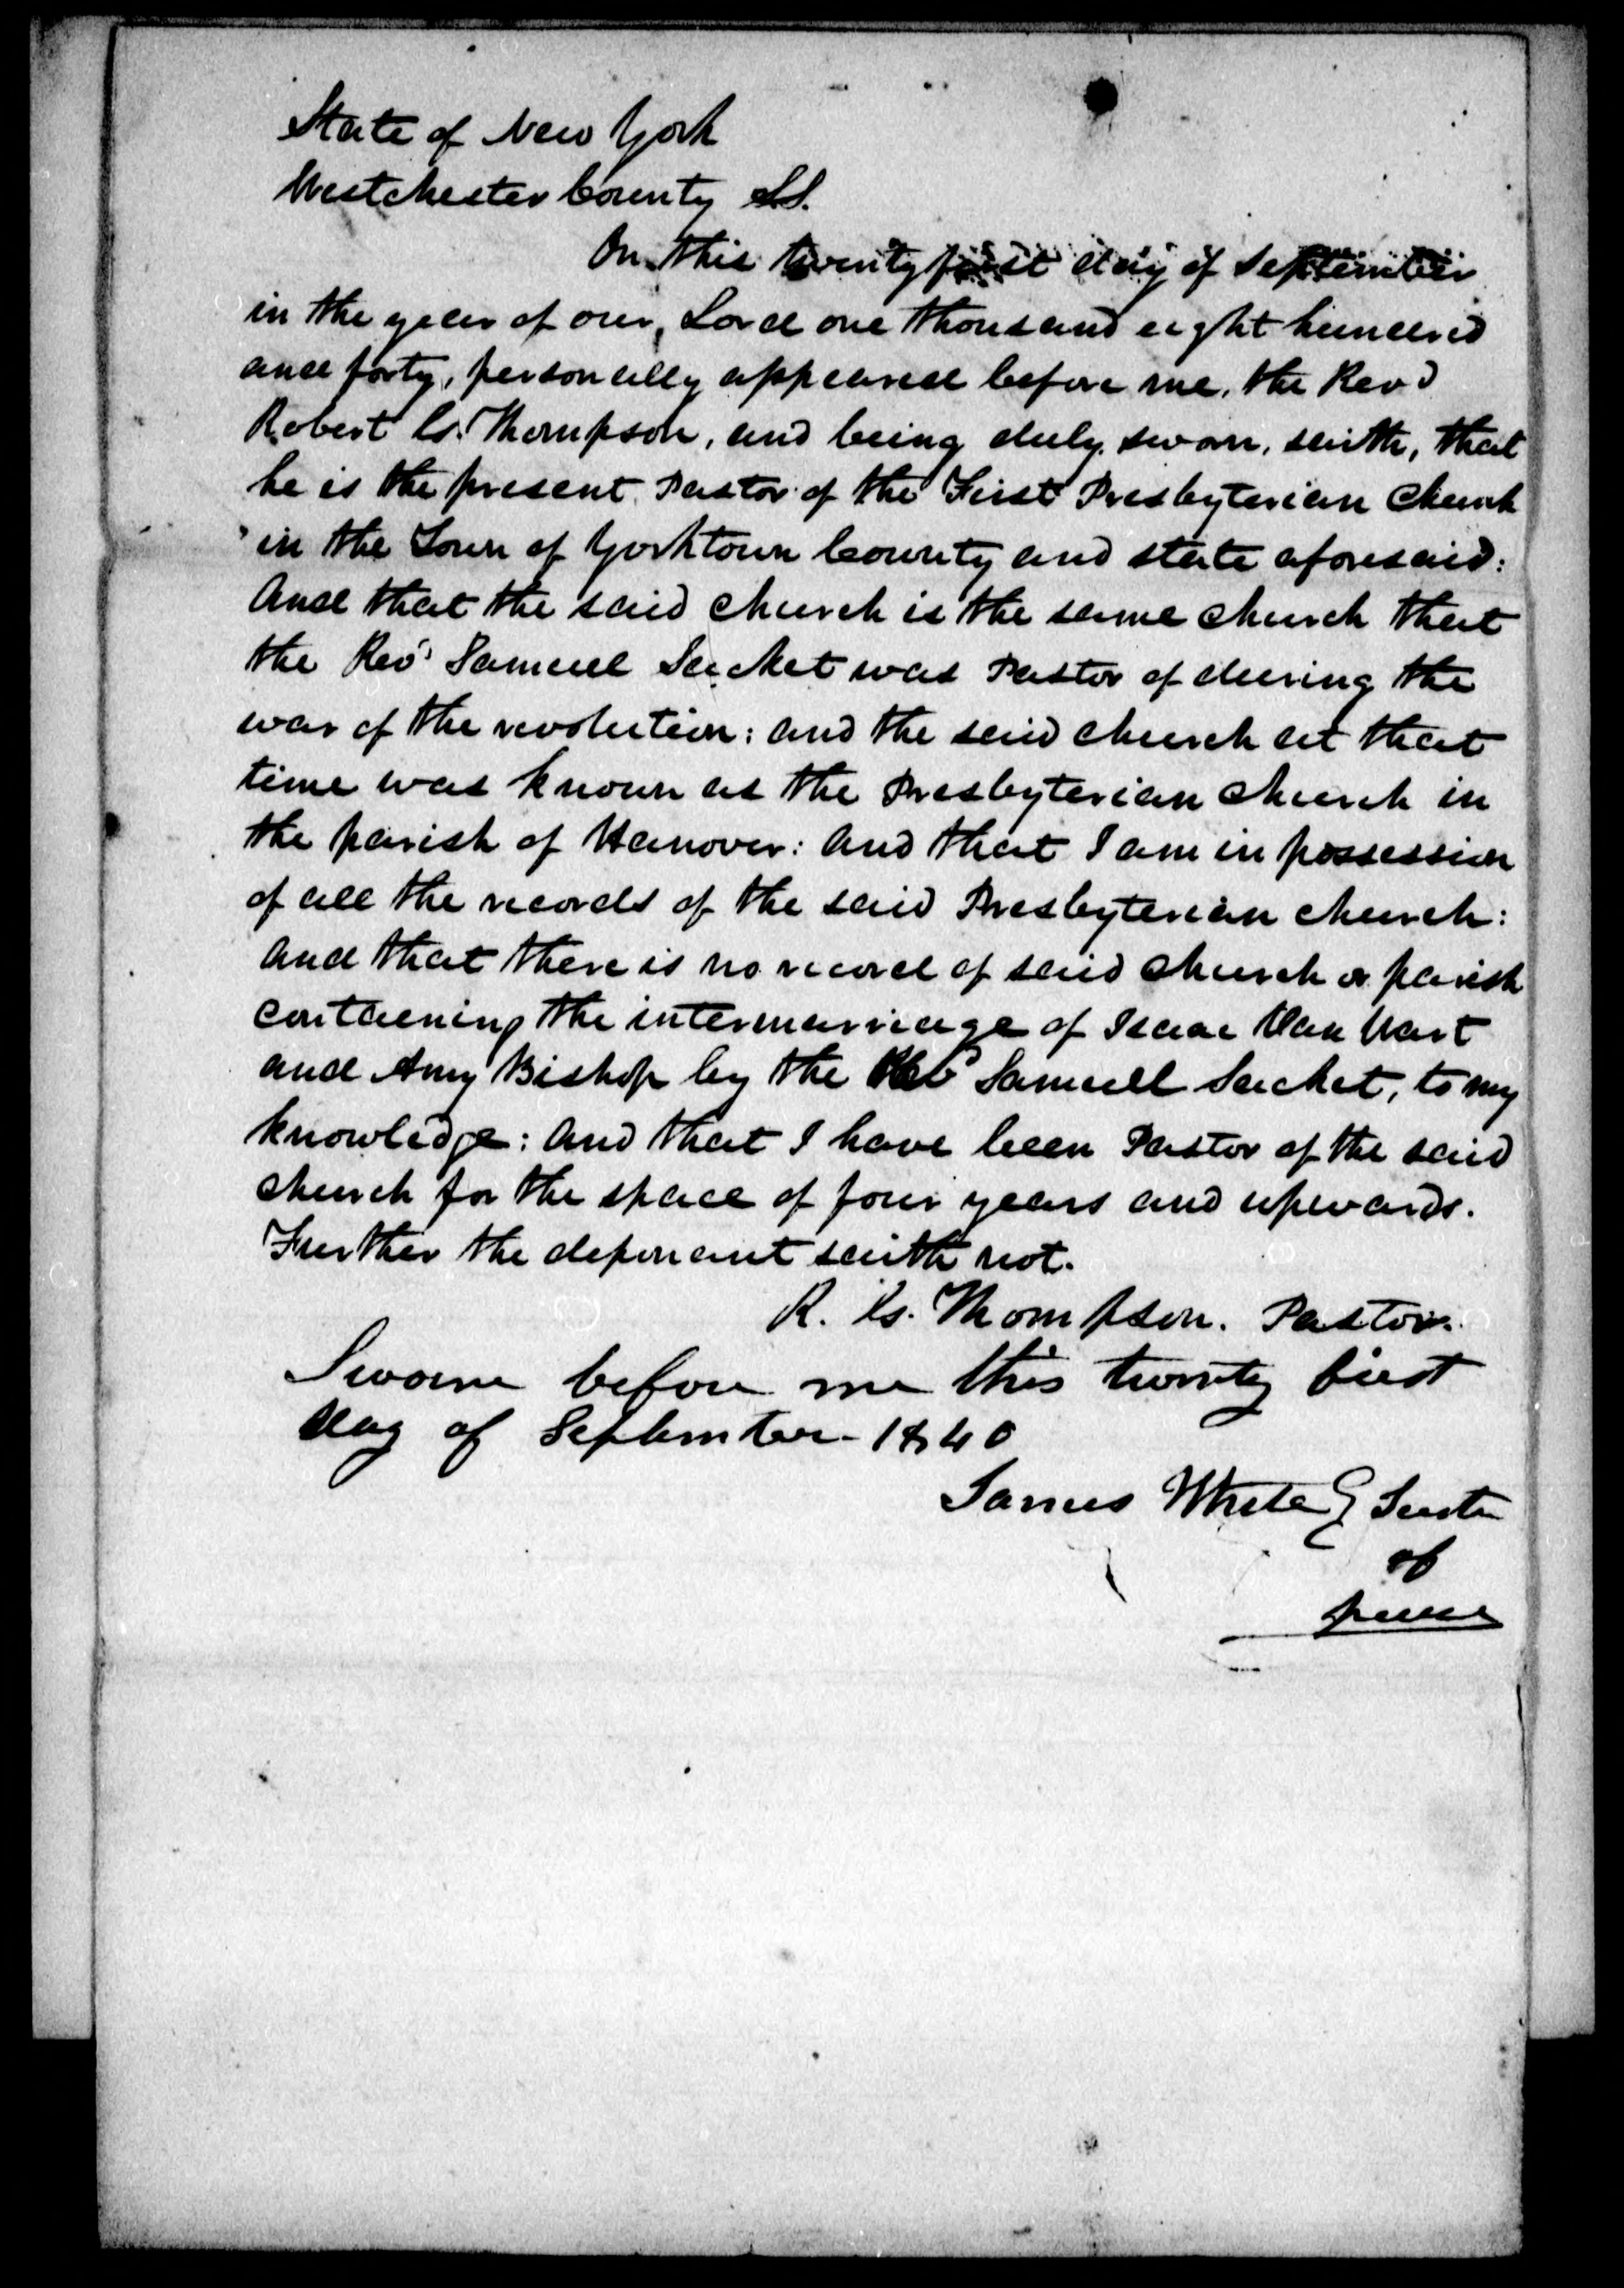State of New York
Westchester County

    On this twenty first day of September in the year of our Lord one thousand eight hundred and forty, personally appeared before me the Revd Robert G Thompson, and being duly sworn, saith that he is the present pastor of the First Presbyterian Church in the Town of Yorktown County and State aforesaid.  And that the said church is the same church that the Rev Samuel Sacket was Pastor of during the war of the revolution; and the said church at that time was known as the Presbyterian Church in the parish of Hanover:  And that I am in possession of all the records of the said Presbyterian church:  And that there is no record of said church or parish containing the intermarriage of Isaac Van Wart and Amy Bishop by the Revd Samuel Sacket, to my knowledge:  And that I have been Pastor of the said church for the space of four years and upwards.
Further the deponent saith not.

(signed)
R. G. Thompson. Pastor

Sworn before me this twenty first day of September 1840
(signed)
Janus White
Justice of Peace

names: Presley, Robert G Thompson, James White, Samuel Sacket, Samuel Sacket, Isaac Van Wart, R G Thompson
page: 75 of 102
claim: widow's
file: W. 18239, Isaac Van Wart, New York